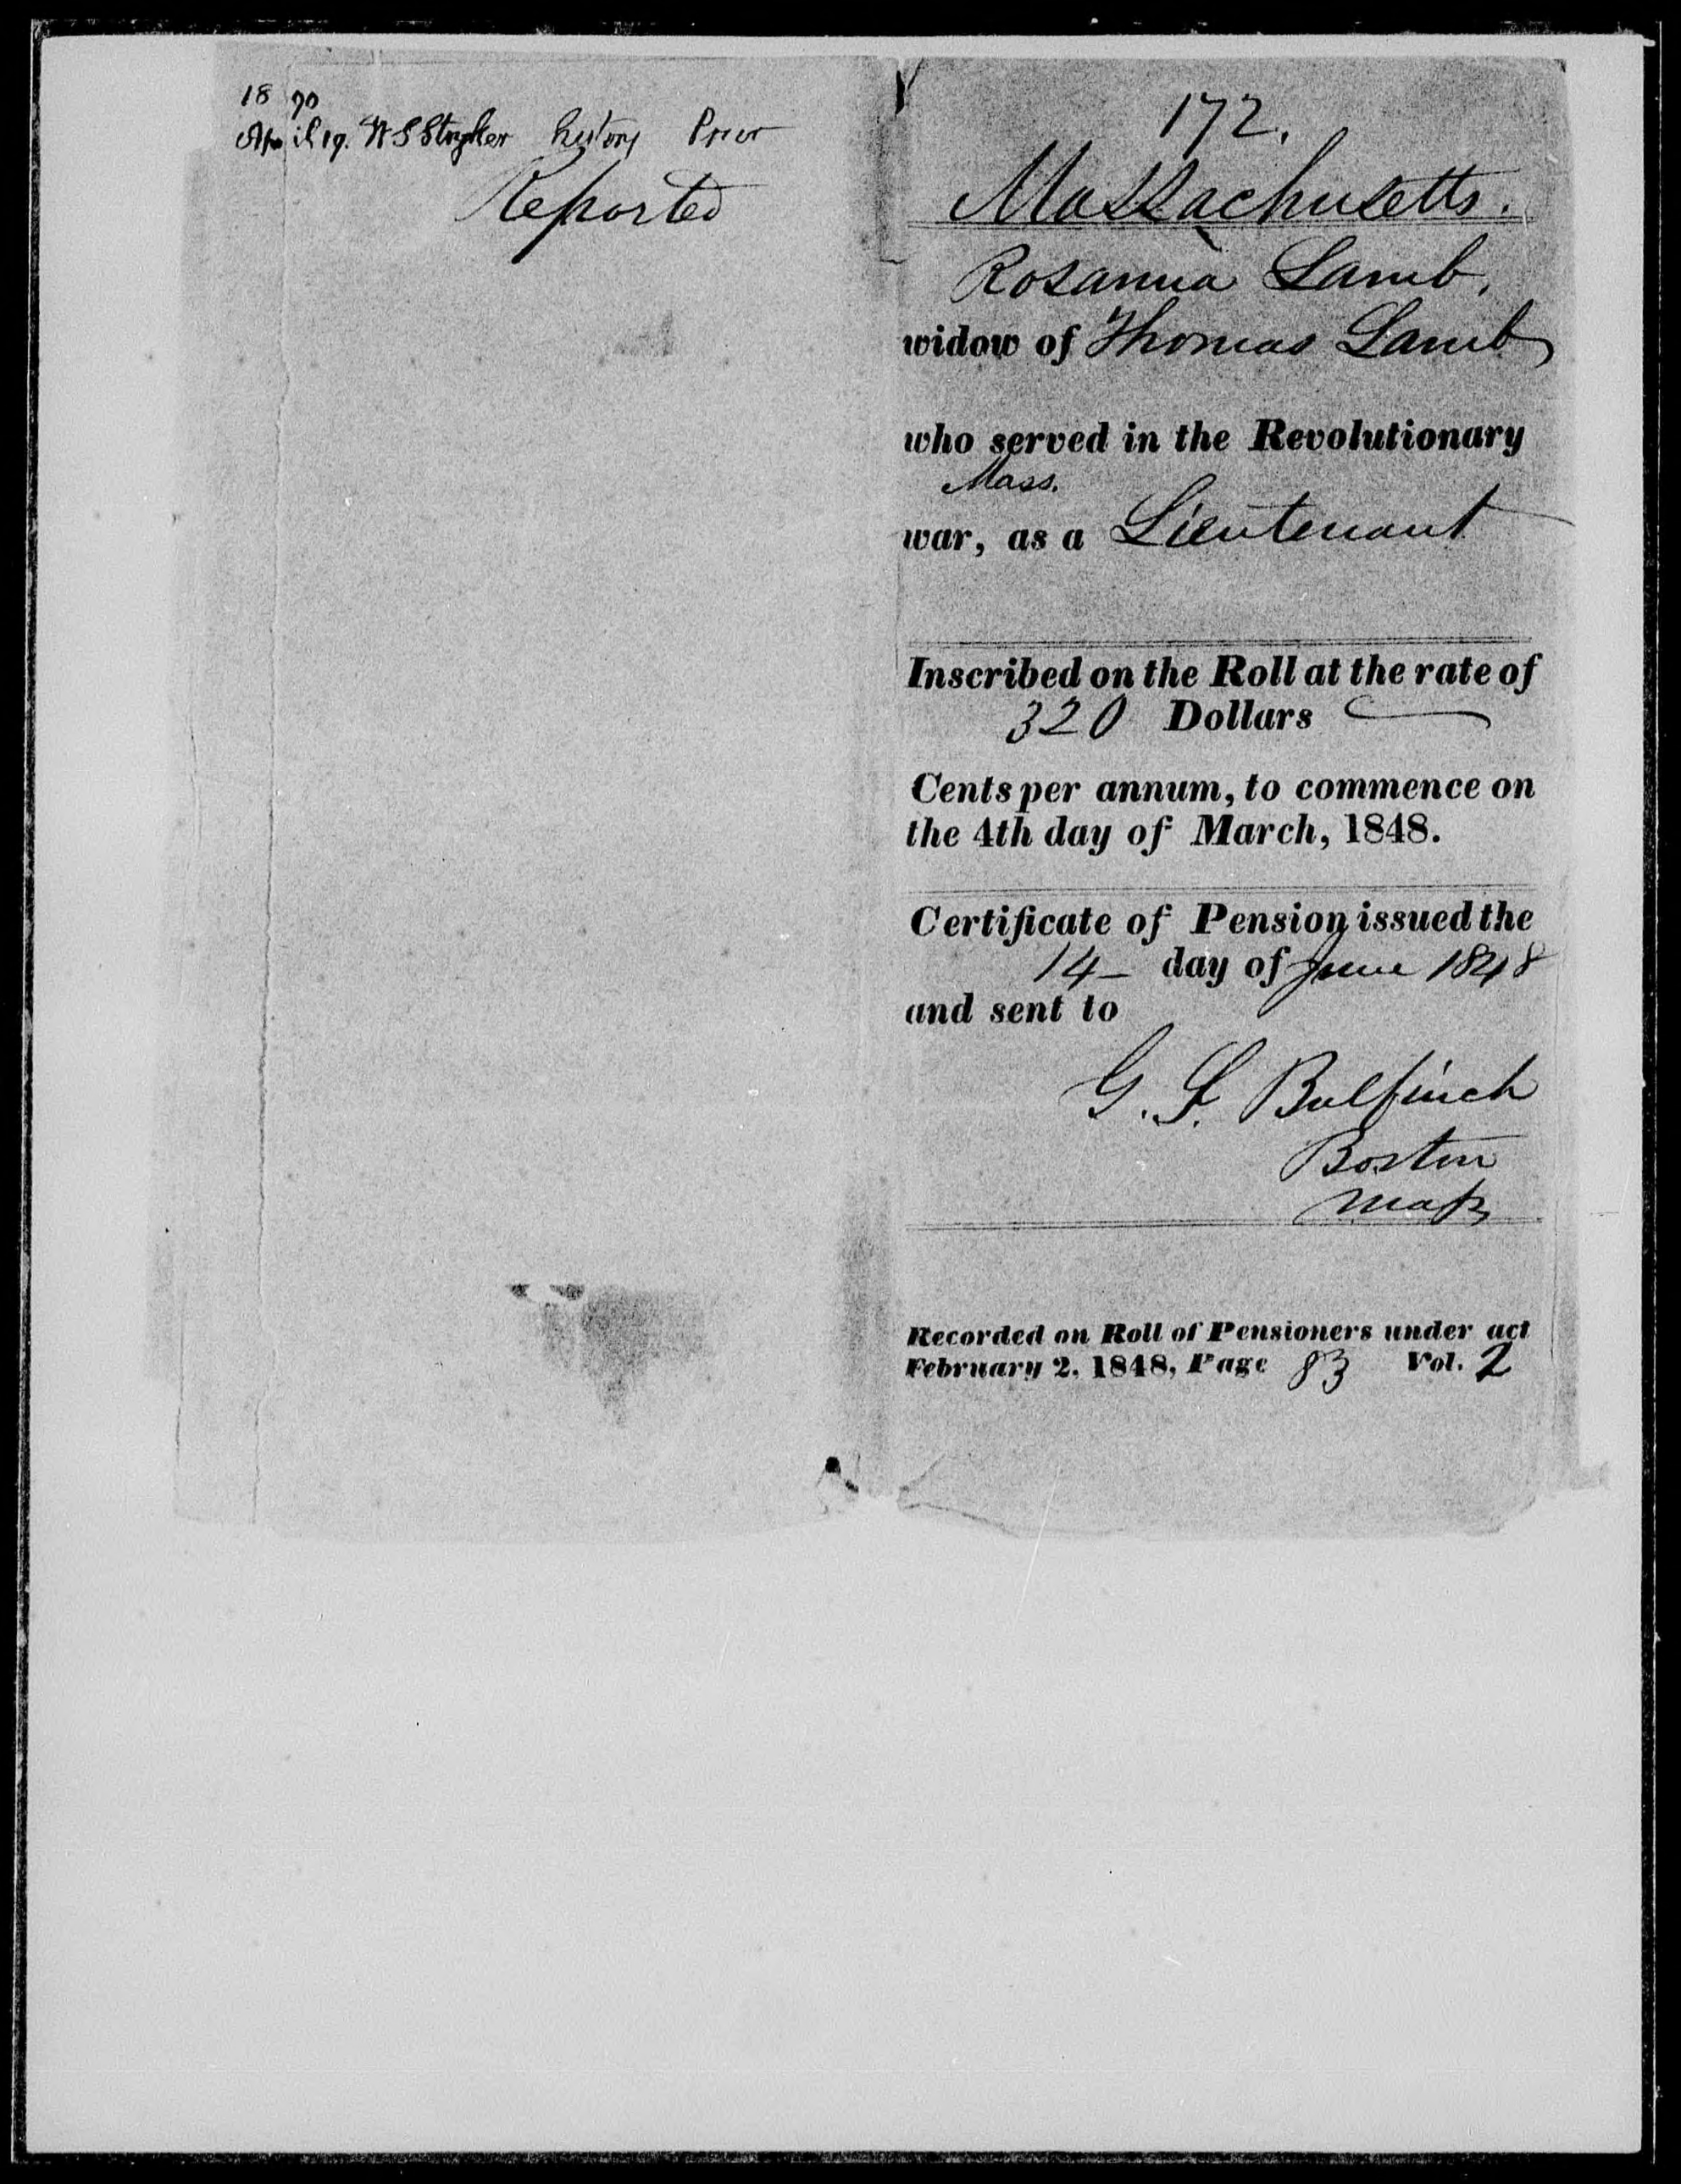1890
April 19. W S Stryker history prior
Reported

172.
Massachusetts
_________________
Rosanna Lamb, widow of Thomas Lamb who served in the Revolutionary war, Mass. as a Lieutenant
________________
Inscribed on the Roll at the rate of 320 Dollars ~ Cents per annum, to commence on the 4th day of March, 1848.
________________
Certificate of Pension issued the 14 day of June 1848 and sent to G. S. Bulfinch
Boston
Mass
________________
Recorded on Roll of Pensioners under act February 2, 1848, Page 83 Vol. 2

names: G S Bulfinch; Rosanna Lamb; W S Stryker; Thomas Lamb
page: 2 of 23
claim: widow's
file: W. 15010, for Thomas Lamb, Massachusetts